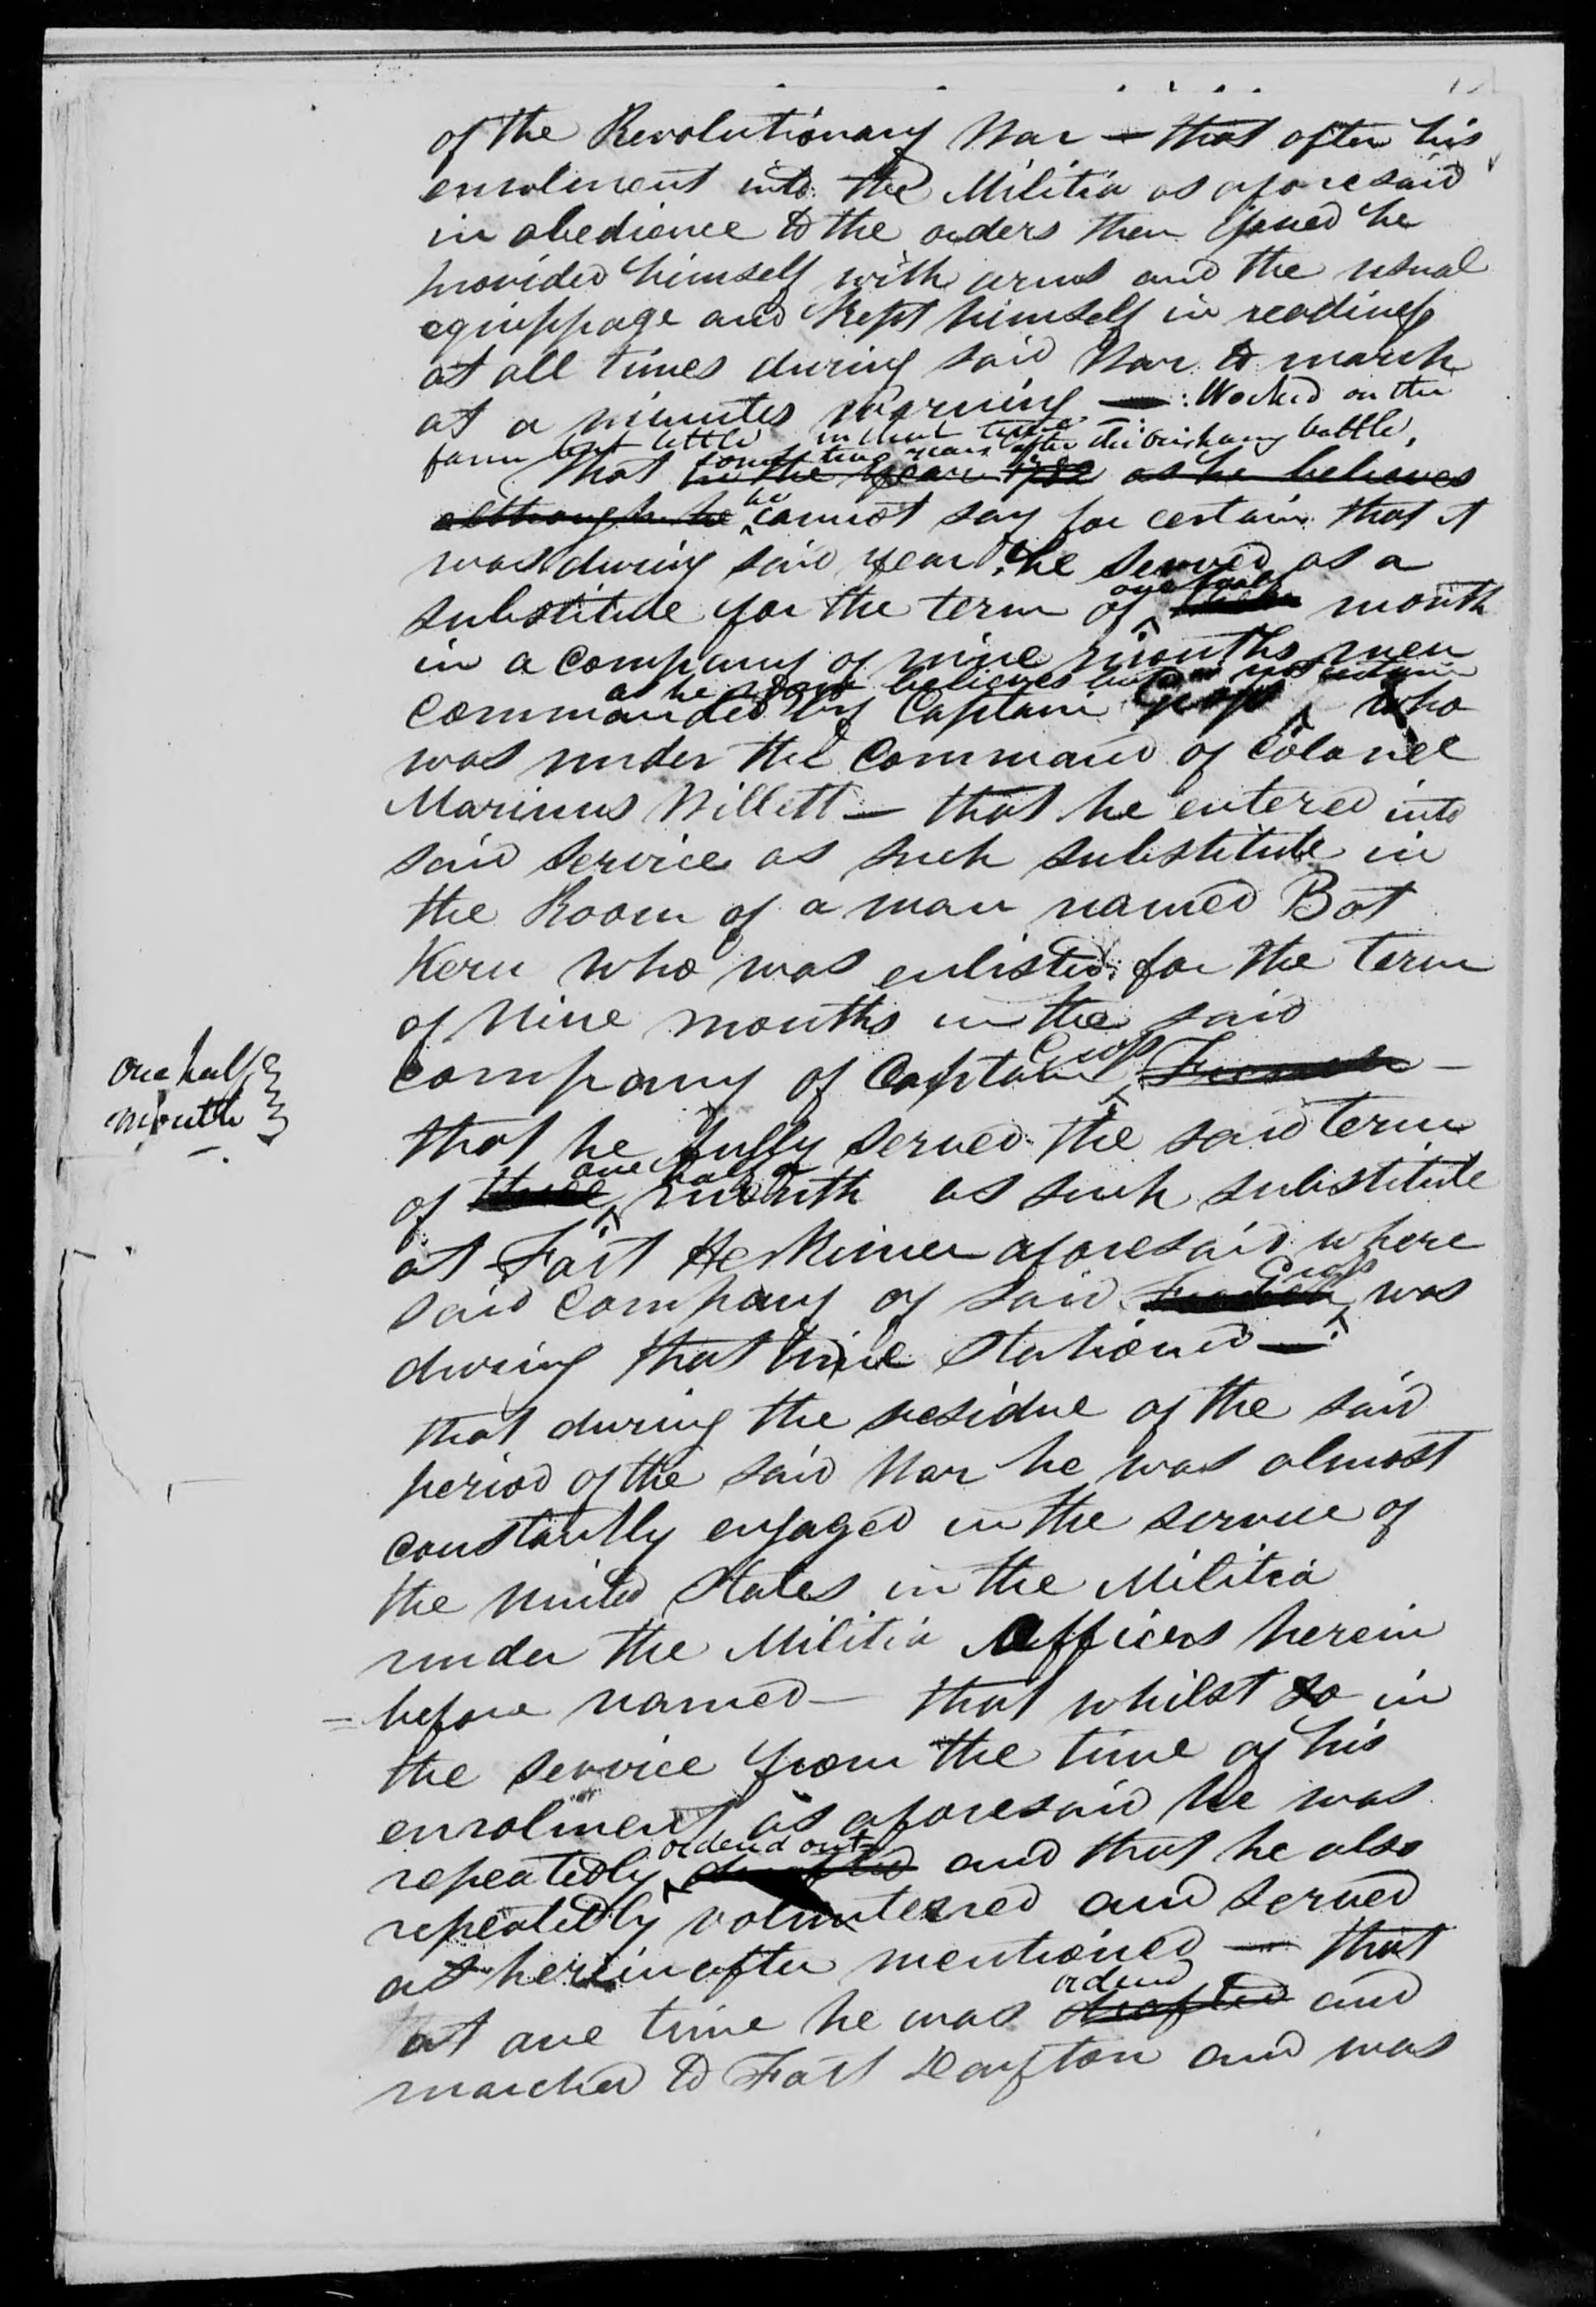[handwritten]

of the Revolutionary War - that after his enrolment [sic] into the militia as aforesaid in obedience to the orders then issued he provided himself with arms and the usual equippage [sic] and kept himself in readiness at all times during said war to march at a minutes warning - worked on the farm but little in that time - That foughtting [sic] years after &c. Oriskany battle, [illegible crossed out] ^[insert] he cannot say for certain that it was during said year he served as a substitute for the term of ^[insert] one full month in a company of nine [?] as he so believes but not certain commanded by Captain Gross who was under the command of Colonel Marinus Willett - that he entered into said service as such substitute in the [?] of a man named Bot Kern who was enlisted for the term of nine months in the said company of Captain Gross [Freunck crossed out] that he fully served the said term of [three crossed out] ^[insert] one half a month as such substitute at Fort Herkimer aforesaid where said company of said {illegible crossed out] ^[insert] Gross was during that time stationed - that during the residue of the said period of the said war he was almost constantly engaged in the service of the United States in the militia under the militia officers herein before named - that whilst so in the service from the time of his enrolment [sic] aforesaid he was repeatedly ^[insert] ordered out [drafted crossed out] and that he also repeatedly volunteered and served at herein after mentioned - that at one time he was ordered [drafted crossed out] and marched to Fort Dayton and was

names: Marinus Willett, Gross, Bot Kern, Gross, Gross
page: 4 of 30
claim: rejected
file: R. 4927, Conrad Hess, New York